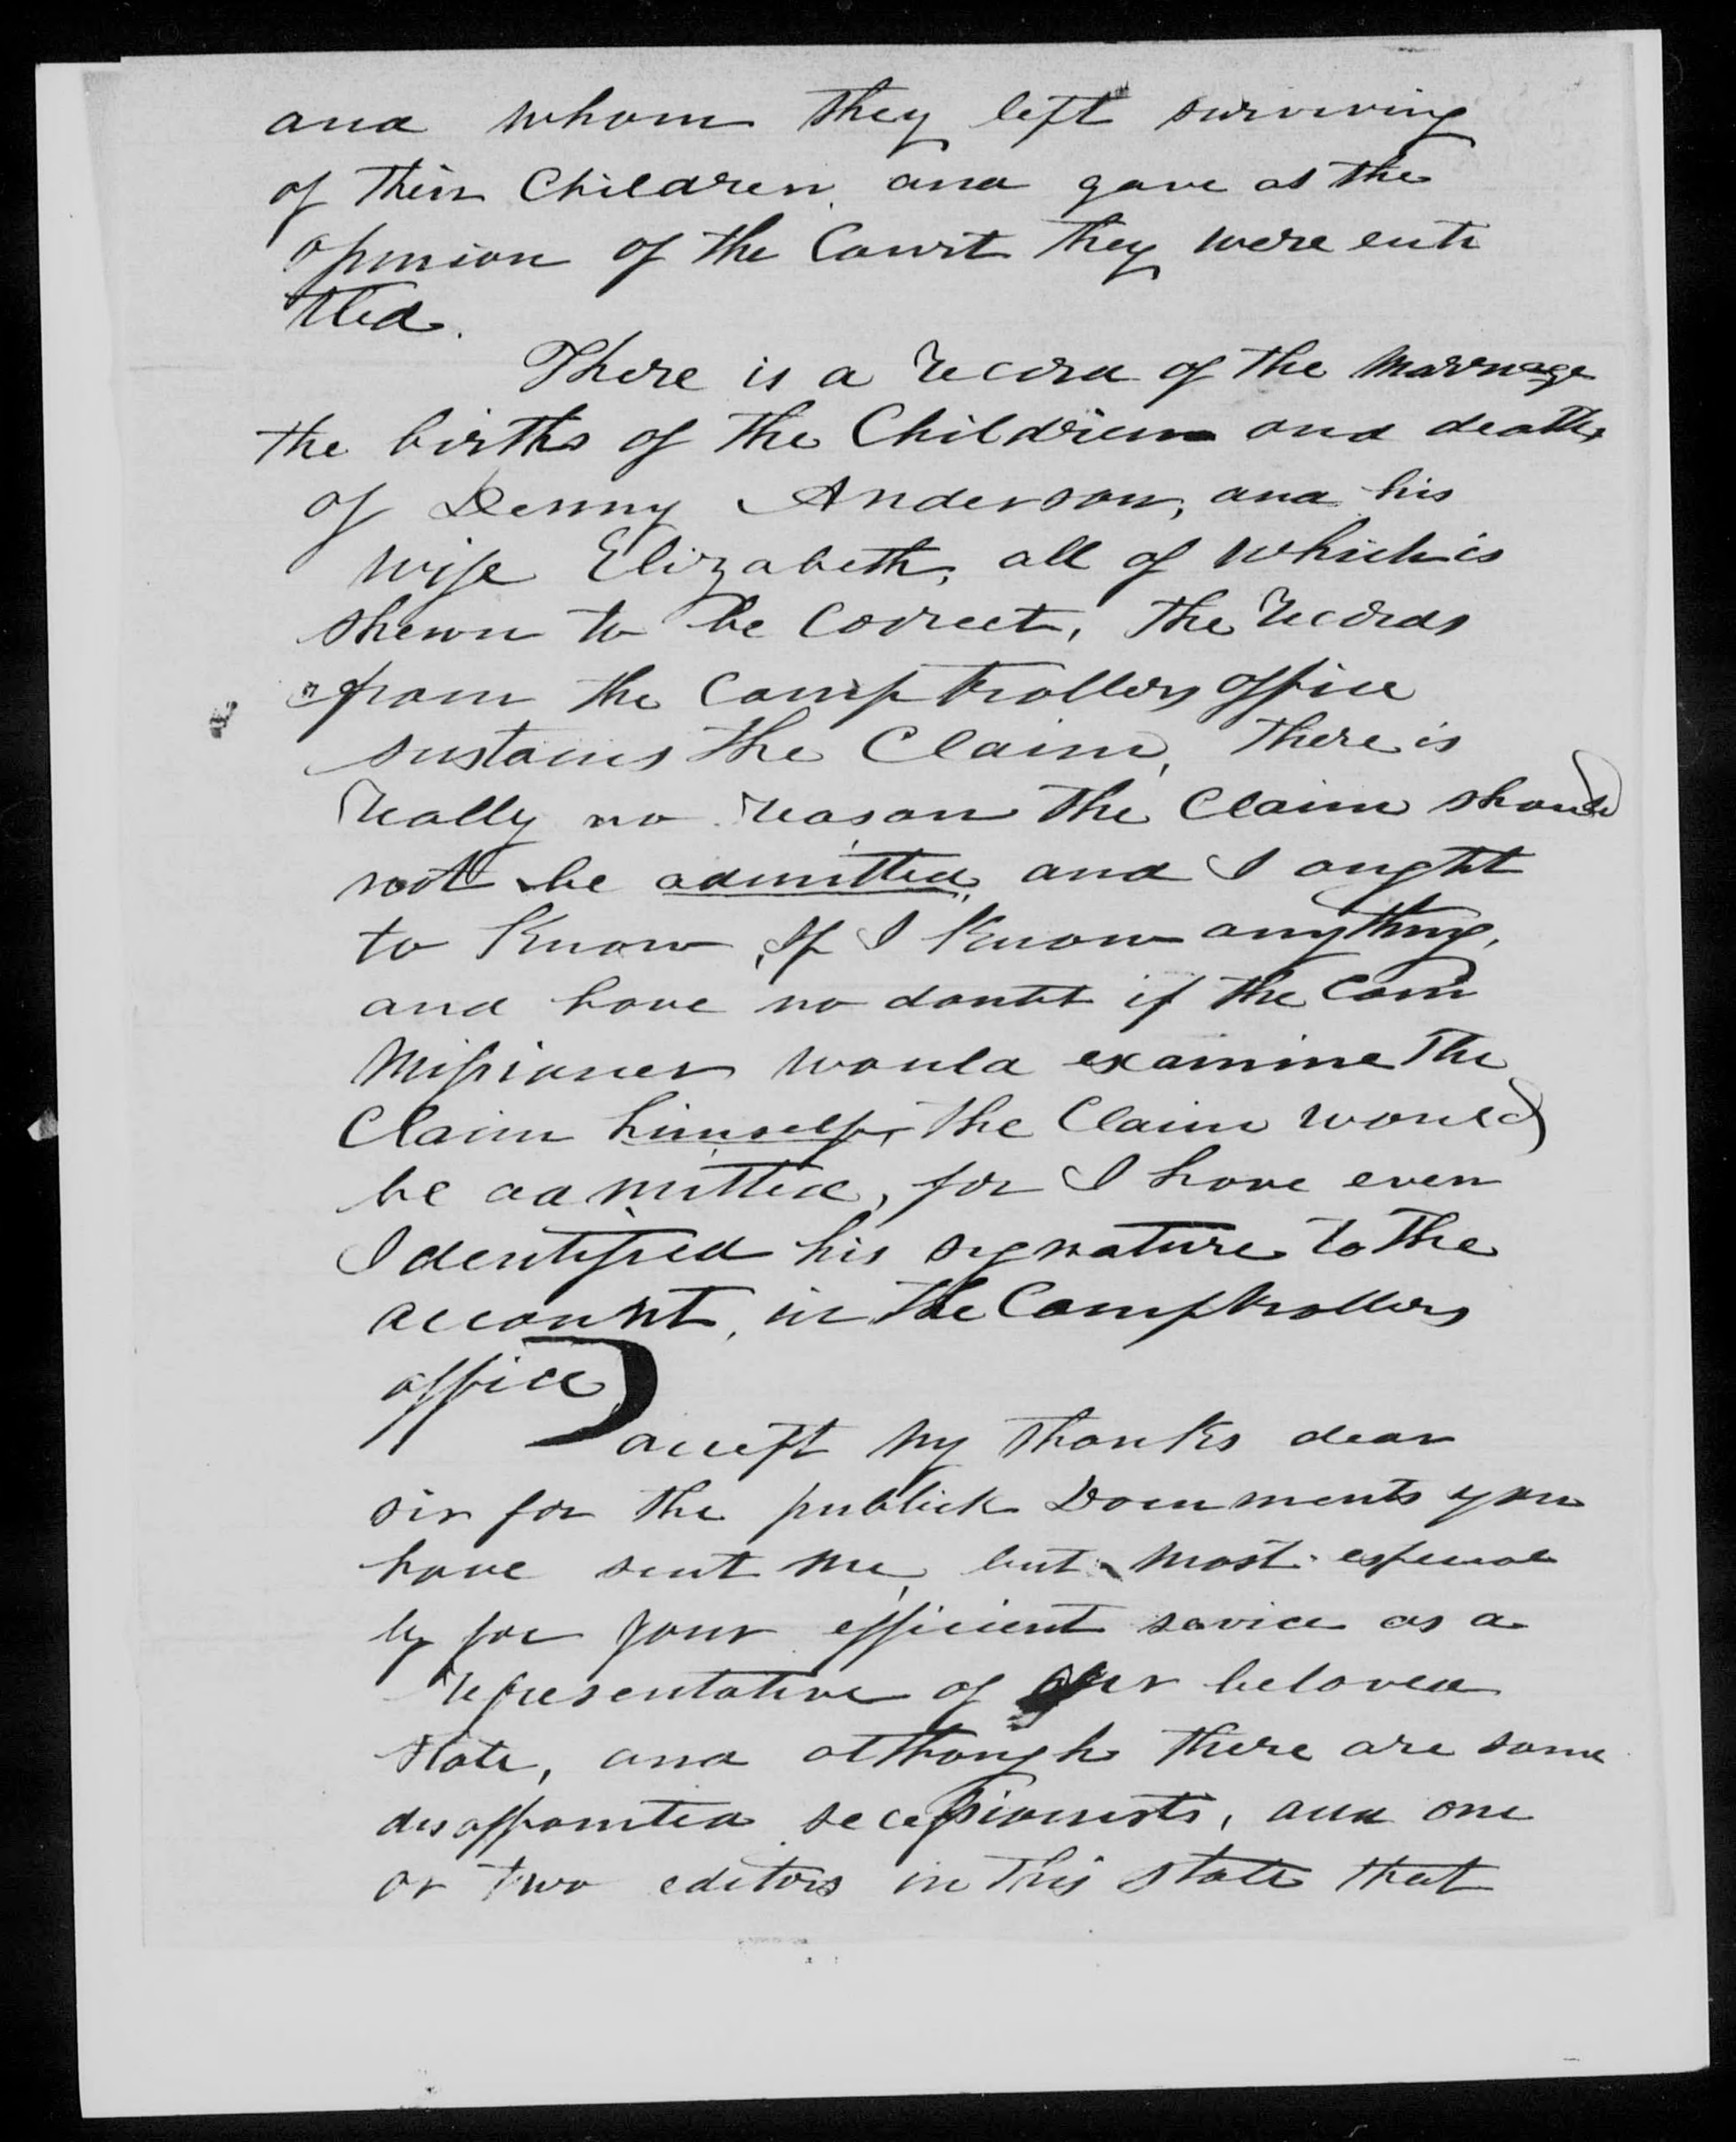and whom they left surviving of their children and gave as the opinion of the Court they were entitled.
There is a record of the Marriage the births of the children and death, of Denny Anderson, and his wife Elizabeth, all of which is shown to be correct, the records from the Comptrollers Office sustains the claim, there is really no reason the claim should not be admitted, and I ought to know, if I know anything, and have no doubt of the commissioner would examine the Claim himself the claim would be admitted, for I have even identified his signature to the account, in the Comptroller office
} [end bracket from prior page]
Accept my thanks dear sir for the publick Documents you have sent me but most especially for your efficient service as a representative of our beloved State, and although there are some disappointed secessionists, and one or two editors in this state that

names: Elizabeth, Denny Anderson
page: 49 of 51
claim: widow's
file: W. 9700, Denney Anderson, S.C.